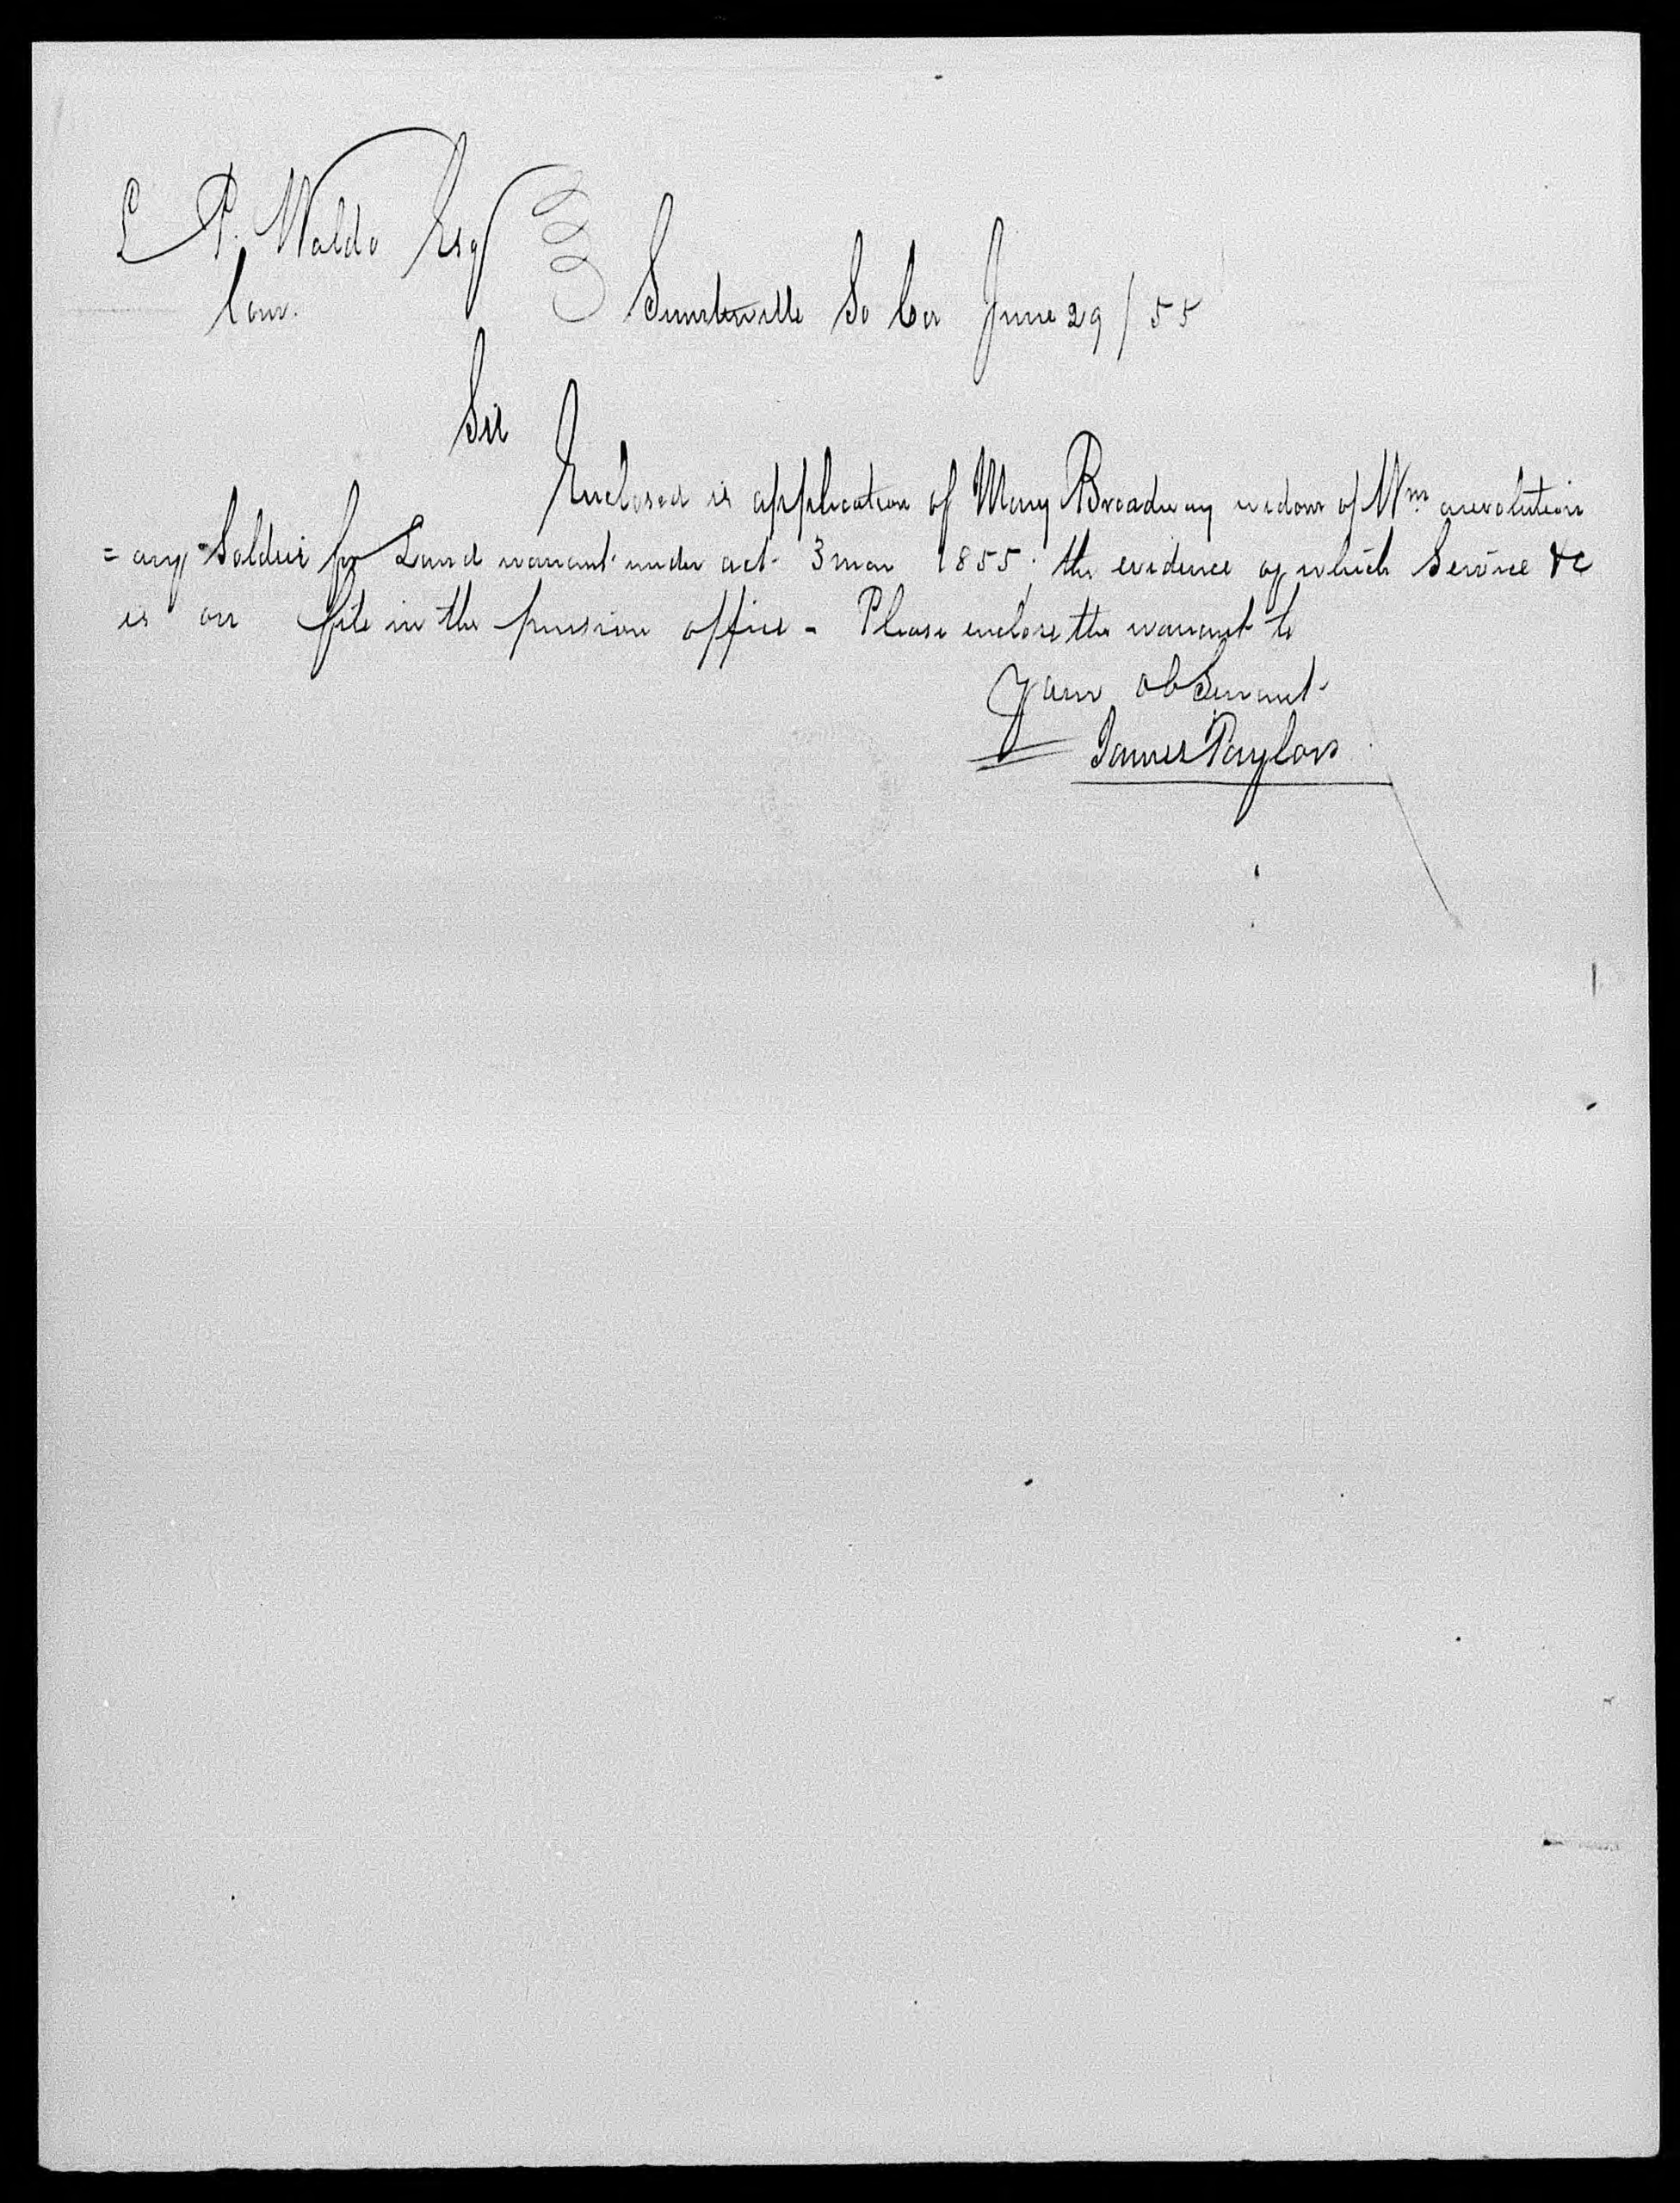L P. Waldo Esq }
Com.                    }

Sumterville So. Ca June 29 / 55

Sir

Inclosed is  application of Mary Broadway widow of Wm revolutionary 
Soldier for Land warranty under act 3 mar 1855, the evidence of which service &c
is on file in the pension office.  Please inclose  the warrant to

Your obServant
James Taylor
__________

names: Wm, Mary Broadway, James Taylor, L P Waldo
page: 84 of 98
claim: widow's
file: W. 8398, William Broadway, S.C.